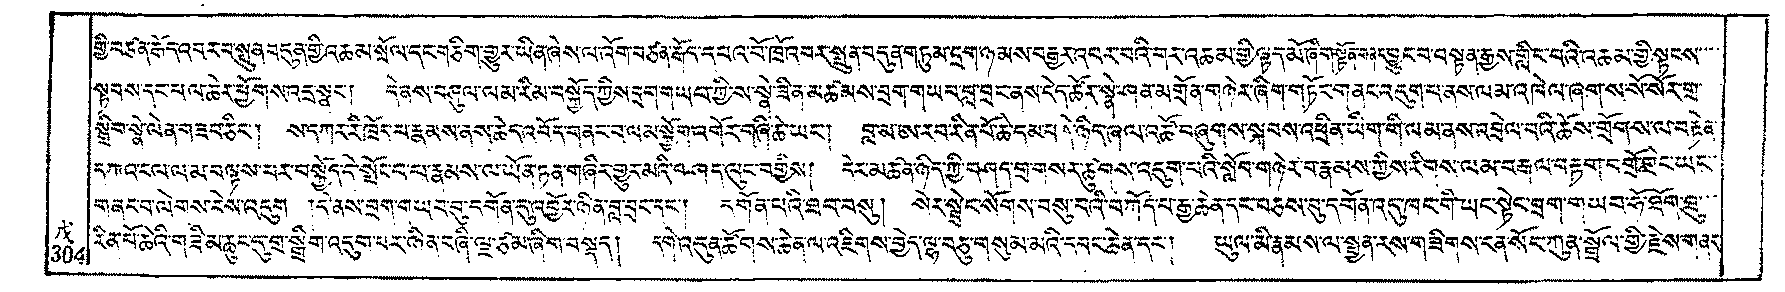གྱི་བཙན་རྒོད་འབར་བ་སྤུན་བདུན་གྱི་འཆམ་སྲོལ་དང་གཅིག་གྱུར་ཡིན་ཞེས་ལ་འོག་བཙན་རྒོད་དཔའ་བོ་ཁྲོ་འབར་སྤུན་བདུན་གཏུམ་དྲག་ཉམས་བརྒྱར་འབར་བའི་གར་འཆམ་གྱི་ལྟད་མོ་ཞིག་སྟོན་གནང་བྱུང་བ་བསྟན་རྒྱས་གླིང་པའི་འཆམ་གྱི་སྟངས་
སྟབས་དང་ཕལ་ཆེར་ཕྱོགས་འདྲ་སྣང་། དེ་ནས་བཤུལ་ལམ་རིམ་བསྐྱོད་ཀྱིས་བྲག་གཡབ་ཀྱི་ས་སྣེ་ཟིན་མཚམས་བྲག་གཡབ་བླ་བྲང་ནས་ངེད་ཚོར་སྣེ་ཤན་མགྲོན་གཉེར་ཞིག་གཏོང་གནང་འདུག་པ་ནས་ལམ་འཁེལ་ཞག་ས་སོ་སོར་གྲ་
སྒྲིག་སྣེ་ལེན་གཟབ་ཅིང་། ས་དཀར་རི་ཁྲོད་པ་རྣམས་ནས་ཆེད་འབོད་གནང་བ་ལམ་སྐྱོག་འགོར་གཞི་ཆེ་ཡང་། བླ་མ་ཨ་རབ་རིན་པོ་ཆེ་དམ་པ་དེ་ཉིད་ཞལ་འཚོ་བཞུགས་སྐབས་འཕྲིན་ཡིག་གི་ལམ་ནས་འབྲེལ་བའི་ཆོས་གྲོགས་ལ་བརྟེན་
དཀའ་ངལ་ལ་མ་བལྟས་པར་བསྐྱོད་དེ་སྤོང་བ་པ་རྣམས་ལ་ཡོན་ཏན་གཞིར་གྱུར་མའི་བཤད་ལུང་བགྱིས། དེར་མཚན་ཉིད་ཀྱི་བཤད་གྲ་གསར་ཚུགས་འདུག་པའི་སློབ་གཉེར་བ་རྣམས་ཀྱིས་རིགས་ལམ་བརྒལ་བརྟག་བགྲོ་གླེང་ཡང་
གནང་བ་ལེགས་ངེས་འདུག །དེ་ནས་བྲག་གཡབ་བུ་དགོན་དུ་འབྱོར་ཉིན་བླ་བྲང་དང་། དགོན་པའི་ཐབ་བསུ། སེར་སྦྲེང་སོགས་བསུ་བའི་བཀོད་པ་རྒྱ་ཆེན་དང་བཅས་བུ་དགོན་འདུ་ཁང་གི་ཡང་སྟེང་བྲག་གཡབ་ཧོ་ཐོག་ཐུ་
རིན་པོ་ཆེའི་གཟིམ་ཆུང་དུ་གྲ་སྒྲིག་འདུག་པར་ཉིན་བཞི་ལྔ་ཙམ་ཞིག་བསྡད། དགེ་འདུན་ཚོགས་ཆེན་ལ་འཇིགས་བྱེད་ལྷ་བཅུ་གསུམ་མའི་དབང་ཆེན་དང་། ཡུལ་མི་རྣམས་ལ་སྤྱན་རས་གཟིགས་ངན་སོང་ཀུན་སྒྲོལ་གྱི་རྗེས་གནང་